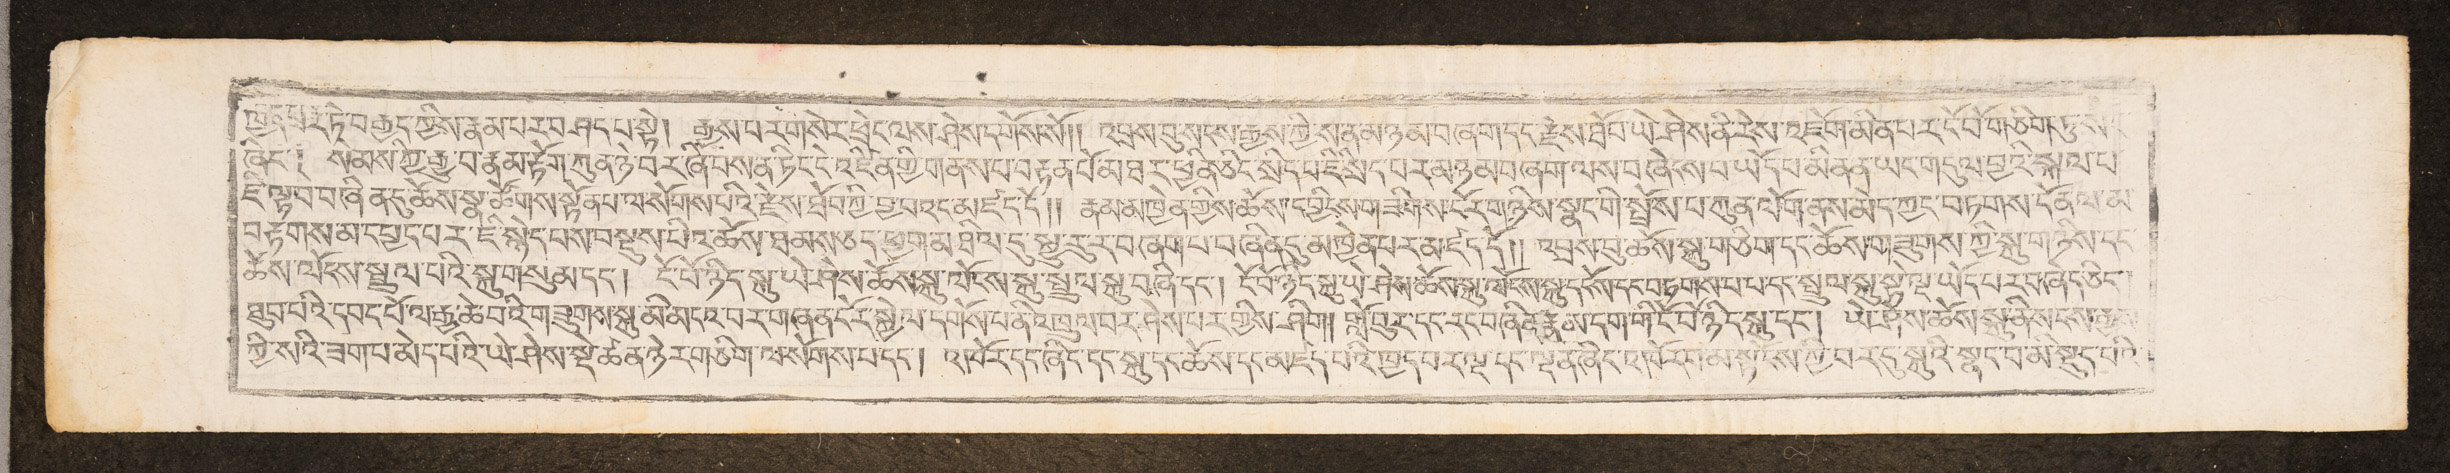ཁྱད་པར་ཏེ་བརྒྱད་ཀྱིས་རྣམ་པར་བཤད་པ་སྟེ། རྒྱས་པར་གསེར་ཕྲེང་ལས་ཤེས་དགོས་སོ།། འབྲས་བུ་སངས་རྒྱས་ཀྱི་ས་ན་མཉམ་བཞག་དང་རྗེས་ཐོབ་ཡེ་ཤེས་ནི་རེས་འཇོག་མིན་པར་ངོ་བོ་གཅིག་ཏུ་སོང་
ཞིང་། སེམས་ཀྱི་རྒྱུ་བ་རྣམ་རྟོག་ཀུན་ཉེ་བར་ཞི་པས་ན་ཏིང་ངེ་འཛིན་གྱི་གནས་པ་བརྟན་པོ་མཐར་ཕྱིན་ཅིང་སྲིད་པ་ཇི་སྲིད་པར་མཉམ་བཞག་ལས་བཞེངས་པ་ཡོད་པ་མིན་ན་ཡང་གདུལ་བྱའི་སྐལ་པ་
ཇི་ལྟ་བ་བཞིན་དུ་ཆོས་སྣ་ཚོགས་སྟོན་པ་ལ་སོགས་པའི་རྗེས་ཐོབ་ཀྱི་བྱ་བའང་མཛད་དོ།། རྣམ་མཁྱེན་གྱིས་ཆོས་དབྱིངས་གཟིགས་ངོར་གཉིས་སྣང་གི་སྤྲོས་པ་ཀུན་ལོག་ནས་མེད་ཀྱང་བཏགས་དོན་ལ་མ་
བརྟགས་མ་དཔྱད་པར་ཇི་སྙེད་པས་བསྡུས་པའི་ཆོས་ཐམས་ཅད་ཕྱག་མཐིལ་དུ་སྐྱུ་རུ་ར་བཞག་པ་བཞིན་དུ་མཁྱེན་པར་མཛད་དོ།། འབྲས་བུ་ཆོས་སྐུ་གཅིག་དང་ཆོས་གཟུགས་ཀྱི་སྐུ་གཉིས་དང་
ཆོས་ལོངས་སྦྲུལ་བའི་སྐུ་གསུམ་དང་། ངོ་བོ་ཉིད་སྐུ་ཡེ་ཤེས་ཆོས་སྐུ་ལོངས་སྐུ་སྤྲུལ་སྐུ་བཞི་དང་། ངོ་བོ་ཉིད་སྐུ་ཡེ་ཤེས་ཆོས་སྐུ་ལོངས་སྐུ་དངོས་དང་བཏགས་པ་པ་དང་སྤྲུལ་སྐུ་སྟེ་ལྔ་ཡོད་པར་བཞེད་ཅིང་།
ཐུབ་པའི་དབང་པོ་ལ་རྒྱ་ཆེ་བའི་གཟུགས་སྐུ་མི་མངའ་བར་གཞན་ངོར་སྐྱེ་ལ་དགོས་པ་ནི་འཁྲུལ་བར་ཤེས་པར་གྱིས་ཤིག། གློ་བུར་དང་རང་བཞིན་རྣམ་དག་གི་ངོ་བོ་ཉིད་སྐུ་དང་། ཡེ་ཤེས་ཆོས་སྐུ་ནི་སངས་རྒྱས་
ཀྱི་སའི་ཟག་པ་མེད་པའི་ཡེ་ཤེས་སྡེ་ཚན་ཉེར་གཅིག་ལ་སོགས་པ་དང་། འཁོར་དང་ཞིང་དང་སྐུ་དང་ཆོས་དང་མཛད་པའི་ཁྱད་ཀྤར་ལྔ་དང་ལྡན་ཞིང་འཁོར་བ་མ་སྟོངས་ཀྱི་བར་དུ་སྐུའི་སྣང་བ་མི་སྡུད་པའི་